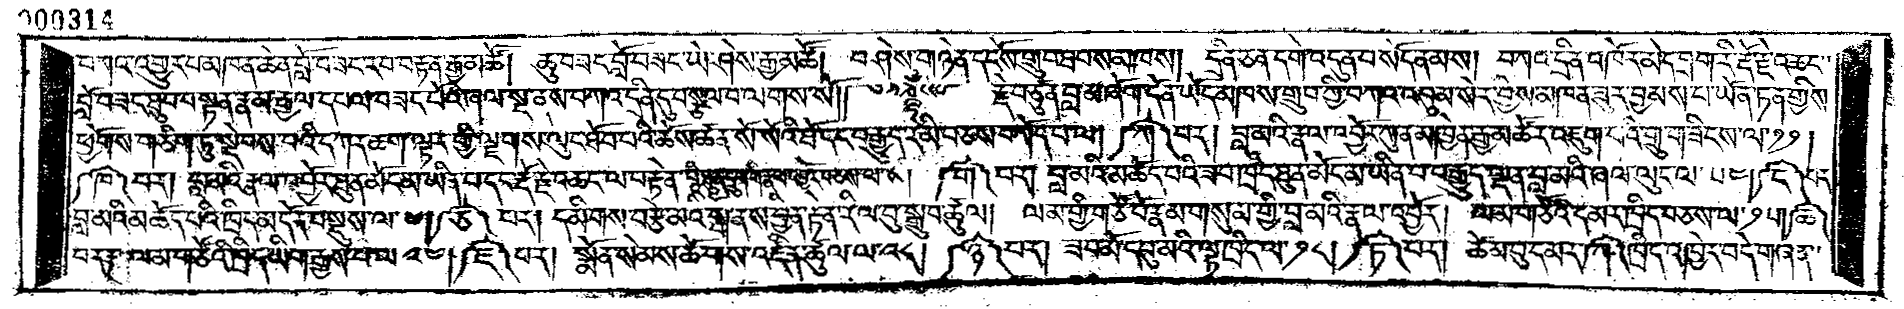བཀའ་འགྱུར་པ་མཁན་ཆེན་བློ་བཟང་རབ་བརྟན་རྒྱ་མཚོ། ཆུ་བཟང་བློ་བཟང་ཡེ་ཤེས་རྒྱ་མཚོ། བཤེས་གཉེན་དངོས་གྲུབ་ཐབས་མཁས། དྲིན་ཅན་དགེ་འདུན་བསོད་ནམས། བཀའ་དྲིན་འཁོར་མེད་བྲག་རི་རྡོ་རྗེ་འཆང་
བློ་བཟང་ཐུབ་བསྟན་རྣམ་རྒྱལ་དཔལ་བཟང་པོའི་ཞལ་སྔ་ནས་བཀའ་དྲིན་དུ་བསྩལ་བ་ལགས་སོ།། ༈ རྗེ་བཙུན་བླ་མ་ཞོག་དོན་ཡོད་མཁས་གྲུབ་ཀྱི་བཀའ་འབུམ་སེར་བྱེས་མཁན་ཟུར་བྱམས་པ་ཡོན་ཏན་གྱིས་
ཕྱོགས་གཅིག་ཏུ་སྡེབས་པའི་དཀར་ཆག་ལྟར་གྱི་ལྗགས་ལུང་ཐོབ་པའི་ཆོས་ཚན་སོ་སོའི་ཐོ་དང་བརྒྱུད་རིམ་བཅས་བཀོད་པ་ལ། ༼ཀ༽ བར། བླ་མའི་རྣལ་འབྱོར་ཀུན་མཁྱེན་རྒྱ་མཚོར་འཇུག་པའི་གྲུ་གཟིངས་ལ ༡༡།
༼ཁ༽ པར། བླ་མའི་རྣལ་འབྱོར་ཐུན་མོང་མ་ཡིན་པ་དང་རྡོ་རྗེ་འཆང་ལ་བརྟེན་བའི་ཐུན་དྲུག་གི་རྣལ་འབྱོར་བཅས་ལ ༦། ༼ག༽ པར། བླ་མའི་མཆོད་པའི་ཟབ་ཁྲིད་ཐུན་མོང་མ་ཡིན་པ་བརྒྱུད་ལྡན་བླ་མའི་ཞལ་ལུང་ལ ༥༤། ༼ང༽ བར་
བླ་མའི་མཆོད་པའི་ཁྲིད་མདོར་བསྡུས་ལ ༤། ༼ཅ༽ པར། དམིགས་བརྩེ་མའི་སྒོ་ནས་བྱིན་རྟེན་རིལ་བུ་སྒྲུབ་ཚུལ། ལམ་གྱི་གཙོ་བོ་རྣམ་གསུམ་གྱི་བླ་མའི་རྣལ་འབྱོར། ལམ་གཙོའི་དམར་ཁྲིད་བཅས་ལ ༡༥། ༼ཆ༽
བར༑ ལམ་གཙོའི་ཁྲིད་ཡིག་རྒྱས་པ་ལ ༢༤། ༼ཇ༽ པར། སྨོན་སེམས་ཆོ་གས་འཛིན་ཚུལ་ལ ༢༨། ༼ཉ༽ བར། ཟབ་མོ་དབུ་མའི་ལྟ་ཁྲིད་ལ ༡༨། ༼ཏ༽ པར། ཚེམ་བུ་དམར ༼ཀ༽ ཁྲིད་འཁྱེར་བདེ་གཞན་